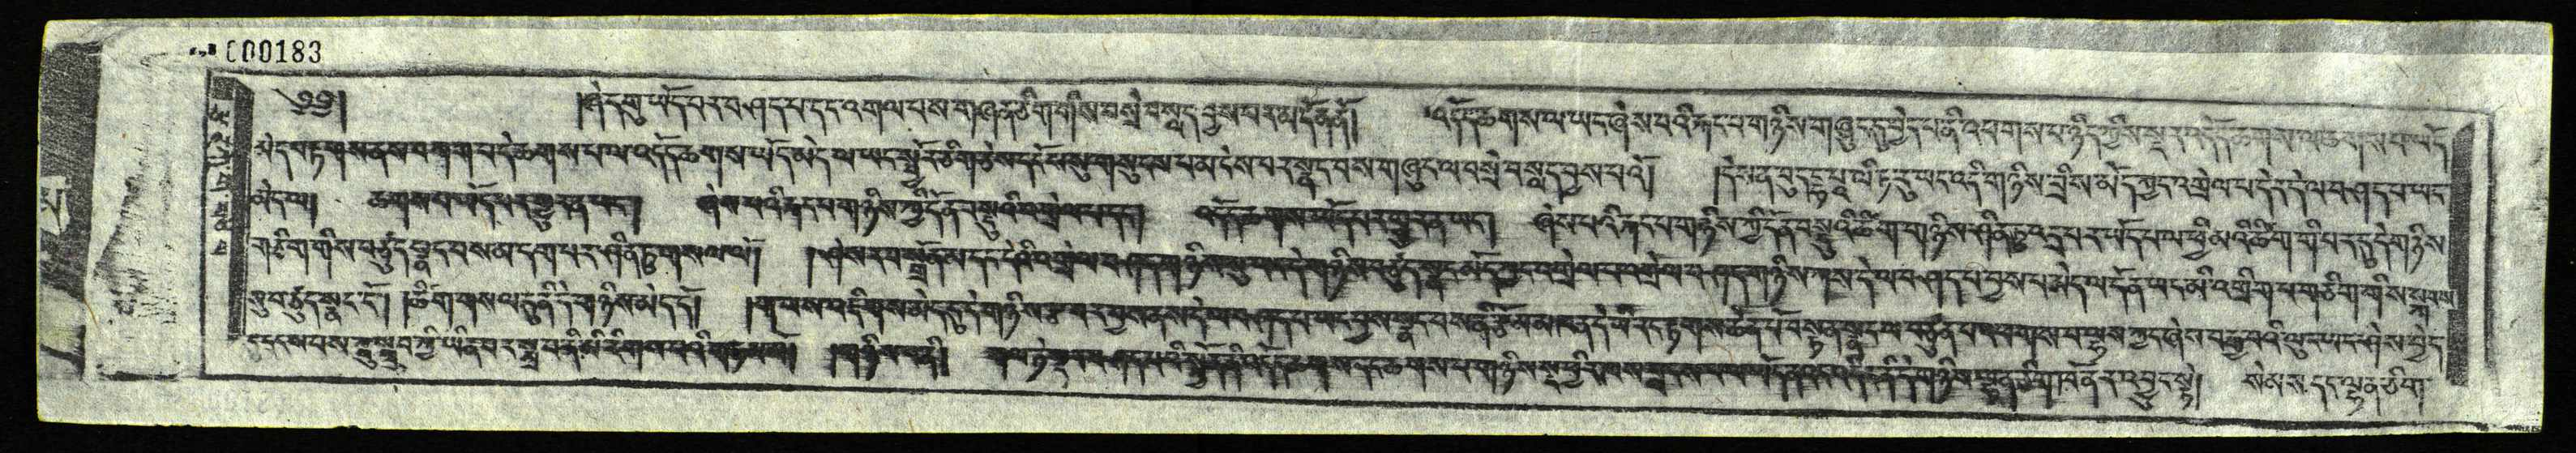༄༅། །ཞེ་དགུ་ཡོད་པར་བཤད་པ་དང་འགལ་པས་གཞན་ཅིག་གིས་བསྲེ་བ་སླད་བྱས་བར་མདོན་ནོ། །འདོད་ཆགས་ལ་ཡང་ཞེས་པའི་རྐང་བ་གཉིས་གཞུང་དུ་བྱེད་པ་ནི་འཕགས་པ་ཉིད་ཀྱིས་སྔར་འདོད་ཆགས་ལ་ཆགས་པ་ཡོད་
མེད་བརྟགས་ནས་བཀག་པ་དེ་ཆགས་པ་ལ་འདོད་ཆགས་ཡོད་མེད་ལ་ཡང་སྦྱོར་ཅིག་ཅེས་དངོས་སུ་གསུངས་པ་མ་ངེས་པར་སྣང་བས་གཞུང་ལ་བསྲེ་བསླད་བྱས་པའོ། །དེས་ན་བུད་དྷ་པཱ་ལིཏ་རུ་ཡང་འདི་གཉིས་བྲིས་མོད་ཀྱང་འགྲེལ་པ་དེར་དེ་ལ་བཤད་པ་ཡང་
མེད་ལ། ཆགས་པ་ཡོད་པར་གྱུར་ན་ཡང་། ཞེས་པའི་རྐང་པ་གཉིས་ཀྱི་དོན་བསྡུའི་འགྲེལ་པ་དང་། འདོད་ཆགས་ཡོད་པར་གྱུར་ན་ཡང་། ཞེས་པའི་རྐང་པ་གཉིས་ཀྱི་དོན་བསྡུའི་ཚིག་གཉིས་ཤིན་ཏུ་འདྲ་བར་ཡོད་པ་ལ་ཕྱི་མའི་ཚིག་གི་བར་དུ་དེ་གཉིས་
གཅིག་གིས་བཙུད་སྣང་བས་མ་དག་པར་ཤིན་ཏུ་གསལ་ལོ། །ཤེས་རབ་སྒྲོན་མ་དང་དེའི་འགྲེལ་བཤད་གཉིས་སུ་ཡང་དེ་གཉིས་བཙུད་སྣང་མོད་ཀྱང་འགྲེལ་པ་འགྲོལ་བཤད་གཉིས་ཀས་དེ་ལ་བཤད་པ་བྱས་པ་མེད་ལ་དོན་ཡང་མི་འགྲིག་པ་གཅིག་གིས་སྐབས?
སུ་བཙུད་སྣང་ངོ། །ཚིག་གསལ་དུ་ནི་དེ་གཉིས་མེད་དོ། །གཡས་འཇིགས་མེད་དུ་དེ་གཉིས་རྩ་བར་བྱས་ནས་དེ་ལ་བཤད་པ་ཡང་བྱས་སྣང་བས་ནི་རྩོམ་མཁན་དེ་ཡི་རང་རྟགས་ཚོན་པོ་བསྟན་སྣང་ལ་བཙུན་པ་འཕགས་པ་ལྷས་ཀྱང་ཞེས་བརྒྱ་བའི་ལུང་ཡང་ཤེས་བྱེད་
དུ་དྲངས་པས་ཀླུ་སྒྲུབ་ཀྱི་ཡིན་པར་སྨྲ་བ་ནི་མི་རིགས་པའི་གཏམ་མོ། །གཉིས་པ་ནི། གལ་ཏེ་སྔར་བཤད་པའི་སྦྱོན་ནི་འདོད་ཆགས་དང་ཆགས་པ་གཉིས་སྔ་ཕྱིར་ཁས་བླངས་པ་ལ་ཡོད་ནའང་འདིར་ནི་དེ་གཉིས་ལྷན་ཅིག་ཁོ་ནར་འབྱུང་སྟེ། སེམས་དང་ལྷན་ཅིག་